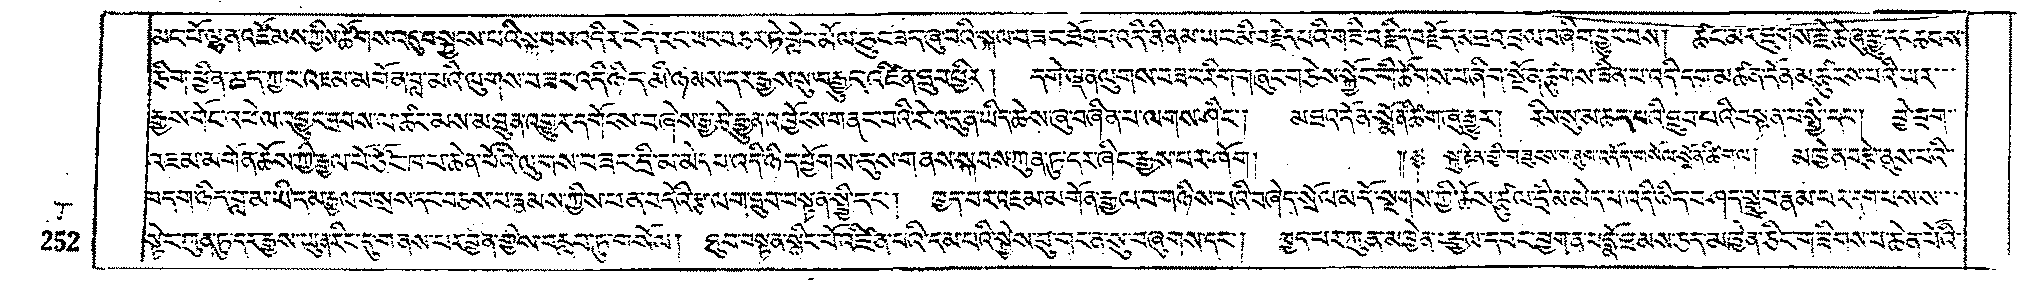མང་པོ་ལྷན་འཛོམས་ཀྱིས་ཚོགས་འདུ་བསྐྱངས་པའི་སྐབས་འདིར་ངེད་རང་ཡང་བཅར་ཏེ་གླེང་མོལ་ཅུང་ཟད་ཞུ་བའི་སྐལ་བཟང་ཐོབ་པ་འདི་ནི་ནམ་ཡང་མི་བརྗེད་པའི་གཟི་བརྗིད་བརྗོད་མཐའ་བྲལ་བ་ཞིག་བྱུང་བས། ཚང་མར་ཐུགས་རྗེ་ཆེ་ཞུ་རྒྱུ་དང་ཆབས་
ཅིག་ཕྱིན་ཆད་ཀྱང་འཇམ་མགོན་བླ་མའི་ལུགས་བཟང་འདི་ཉིད་མི་ཉམས་དར་རྒྱས་སུ་བརྒྱུད་འཛིན་ཐུབ་ཕྱིར། དགེ་ལྡན་ལུགས་བཟང་རིག་གཞུང་གཅེས་སྐྱོང་གི་ཚོགས་པ་ཞིག་སྔོན་ཚུགས་ཟིན་པ་འདི་དག་མཚན་དོན་མཚུངས་པའི་ཡར་་་
རྒྱས་གོང་འཕེལ་འབྱུང་ཐབས་ལ་ཚང་མས་མཐུན་འགྱུར་དགོངས་བཞེས་རྒྱ་ཆེ་རྒྱུན་འཁྱོངས་གནང་བའི་རེ་འདུན་ཡིད་ཆེས་ཞུ་བཞིན་པ་ལགས་ཤིང་། མཐའ་དོན་སྨོན་ཚིག་ཞུ་རྒྱུར། རིས་སུ་མ་ཆད་པའི་ཐུབ་པའི་བསྟན་པ་སྤྱི་དང་། བྱེ་བྲག་་་
འཇམ་མགོན་ཆོས་ཀྱི་རྒྱལ་པོ་ཙོང་ཁ་པ་ཆེན་པོའི་ལུགས་བཟང་དྲི་མ་མེད་པ་འདི་ཉིད་ཕྱོགས་དུས་གནས་སྐབས་ཀུན་ཏུ་དར་ཞིང་རྒྱས་པར་ཤོག ། །། འ་སྐུ་རྟེན་གྱི་གཟུངས་གཞུག་འདོད་གསོལ་སྨོན་ཚིག་ལ།  མཁྱེན་བརྩེ་ནུས་པའི་་་
བདག་ཉིད་བླ་མ་ཡི་དམ་རྒྱལ་བ་སྲས་དང་བཅས་པ་རྣམས་ཀྱིས་ཕན་བདེའི་རྩ་ལག་ཐུབ་བསྟན་སྤྱི་དང་། ཁྱད་པར་འཇམ་མགོན་རྒྱལ་བ་གཉིས་པའི་བཞེད་སྲོལ་མདོ་སྔགས་ཀྱི་ཆོས་ཚུལ་དྲི་མ་མེད་པ་འདི་ཉིད་བཤད་སྒྲུབ་རྣམ་པར་དག་པས་ས་་་
སྟེང་ཀུན་ཏུ་དར་རྒྱས་ཡུན་རིང་དུ་གནས་པར་བྱིན་གྱིས་བརླབ་ཏུ་གསོལ། ཐུབ་བསྟན་སྙིང་པོ་འཛིན་པའི་དམ་པའི་སྐྱེས་བུ་གང་ན་སུ་བཞུགས་དང་། ཁྱད་པར་ཀུན་མཁྱེན ༧རྒྱལ་དབང་ཕྱག་ན་པདམོ་ཐམས་ཅད་མཁྱེན་ཅིང་གཟིགས་པ་ཆེན་པོའི་་་